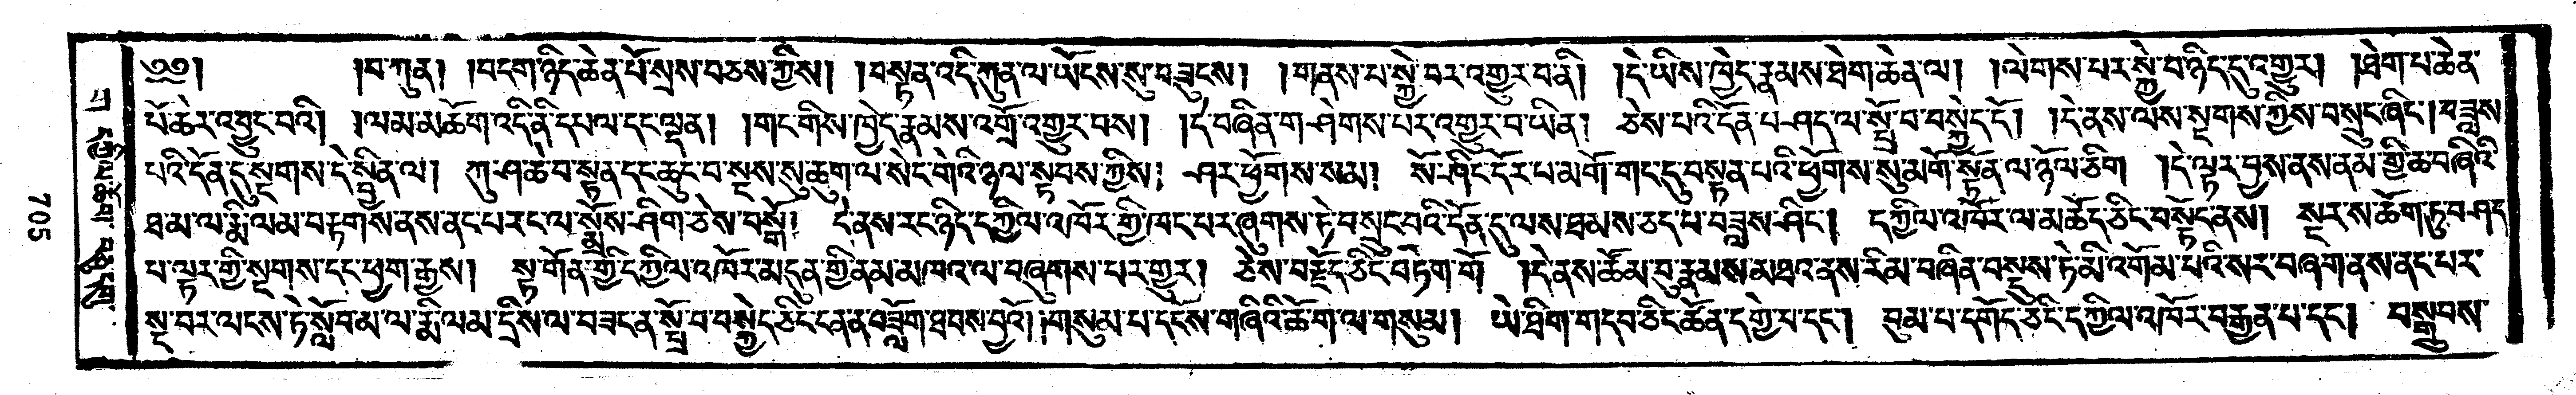༄༅། །བ་ཀུན། །བདག་ཉིད་ཆེན་པོ་སྲས་བཅས་ཀྱིས། །བསྟན་འདི་ཀུན་ལ་ཡོངས་སུ་བཟུངས། །གནས་པ་སྐྱེ་བར་འགྱུར་བ་ནི། །དེ་ཡིས་ཁྱེད་རྣམས་ཐེག་ཆེན་ལ། །ལེགས་པར་སྐྱེ་བ་ཉིད་དུ་འགྱུར། །ཐེག་པ་ཆེན་
པོ་ཆེར་འབྱུང་བའི། །ལམ་མཆོག་འདི་ནི་དཔལ་དང་ལྡན། །གང་གིས་ཁྱེད་རྣམས་འགྲོ་འགྱུར་བས། །དེ་བཞིན་གཤེགས་པར་འགྱུར་བ་ཡིན། ཅེས་པའི་དོན་བཤད་ལ་སྤྲོ་བ་བསྐྱེད་དོ། །དེ་ནས་ལས་སྔགས་ཀྱིས་བསྲུང་ཞིང་། བཟླས་
པའི་དོན་དུ་སྔགས་དེ་སྦྱིན་ལ། ཀུ་ཤ་ཆེ་བ་སྟན་དང་ཆུང་བ་སྔགས་སུ་ཆུག་ལ་སེང་གེའི་ཉལ་སྟབས་ཀྱིས། ཤར་ཕྱོགས་སམ། སོ་ཤིང་དོར་པ་མགོ་གང་དུ་བསྟན་པའི་ཕྱོགས་སུ་མགོ་སྟོན་ལ་ཉོལ་ཅིག །དེ་ལྟར་བྱས་ནས་ནམ་གྱི་ཆ་བཞིའི་
ཐ་མ་ལ་རྨི་ལམ་བརྟགས་ནས་ནང་པ་རང་ལ་སྨྲོས་ཤིག་ཅེས་བསྒོ། དེ་ནས་རང་ཉིད་དཀྱིལ་འཁོར་གྱི་ཁང་པར་ཞུགས་ཏེ་བསྲུང་བའི་དོན་དུ་ལས་ཐམས་ཅད་པ་བཟླས་ཤིང་། དཀྱིལ་འཁོར་ལ་མཆོད་ཅིང་བསྟོད་ནས། སྔར་ས་ཆོག་ཏུ་བཤད་
པ་ལྟར་གྱི་སྔགས་དང་ཕྱག་རྒྱས། སྟ་གོན་གྱི་དཀྱིལ་འཁོར་མདུན་གྱི་ནམ་མཁའ་ལ་བཞུགས་པར་གྱུར། ཅེས་བརྗོད་ཅིང་བཏེག་གོ །དེ་ནས་ཚོམ་བུ་རྣམས་མཐའ་ནས་རིམ་བཞིན་བསྡུས་ཏེ་མི་འགོམ་པའི་སར་བཞག་ནས་ནང་པར་
སྔ་བར་ལངས་ཏེ་སློབ་མ་ལ་རྨི་ལམ་དྲིས་ལ་བཟང་ན་སྤྲོ་བ་བསྐྱེད་ཅིང་ངན་ན་བཟློག་ཐབས་བྱའོ། །གསུམ་པ་དངོས་གཞིའི་ཆོ་ག་ལ་གསུམ། ཡེ་ཐིག་གདབ་ཅིང་ཚོན་དགྱེ་པ་དང་། བུམ་པ་དགོད་ཅིང་དཀྱིལ་འཁོར་བརྒྱན་པ་དང་། བསྒྲུབས་